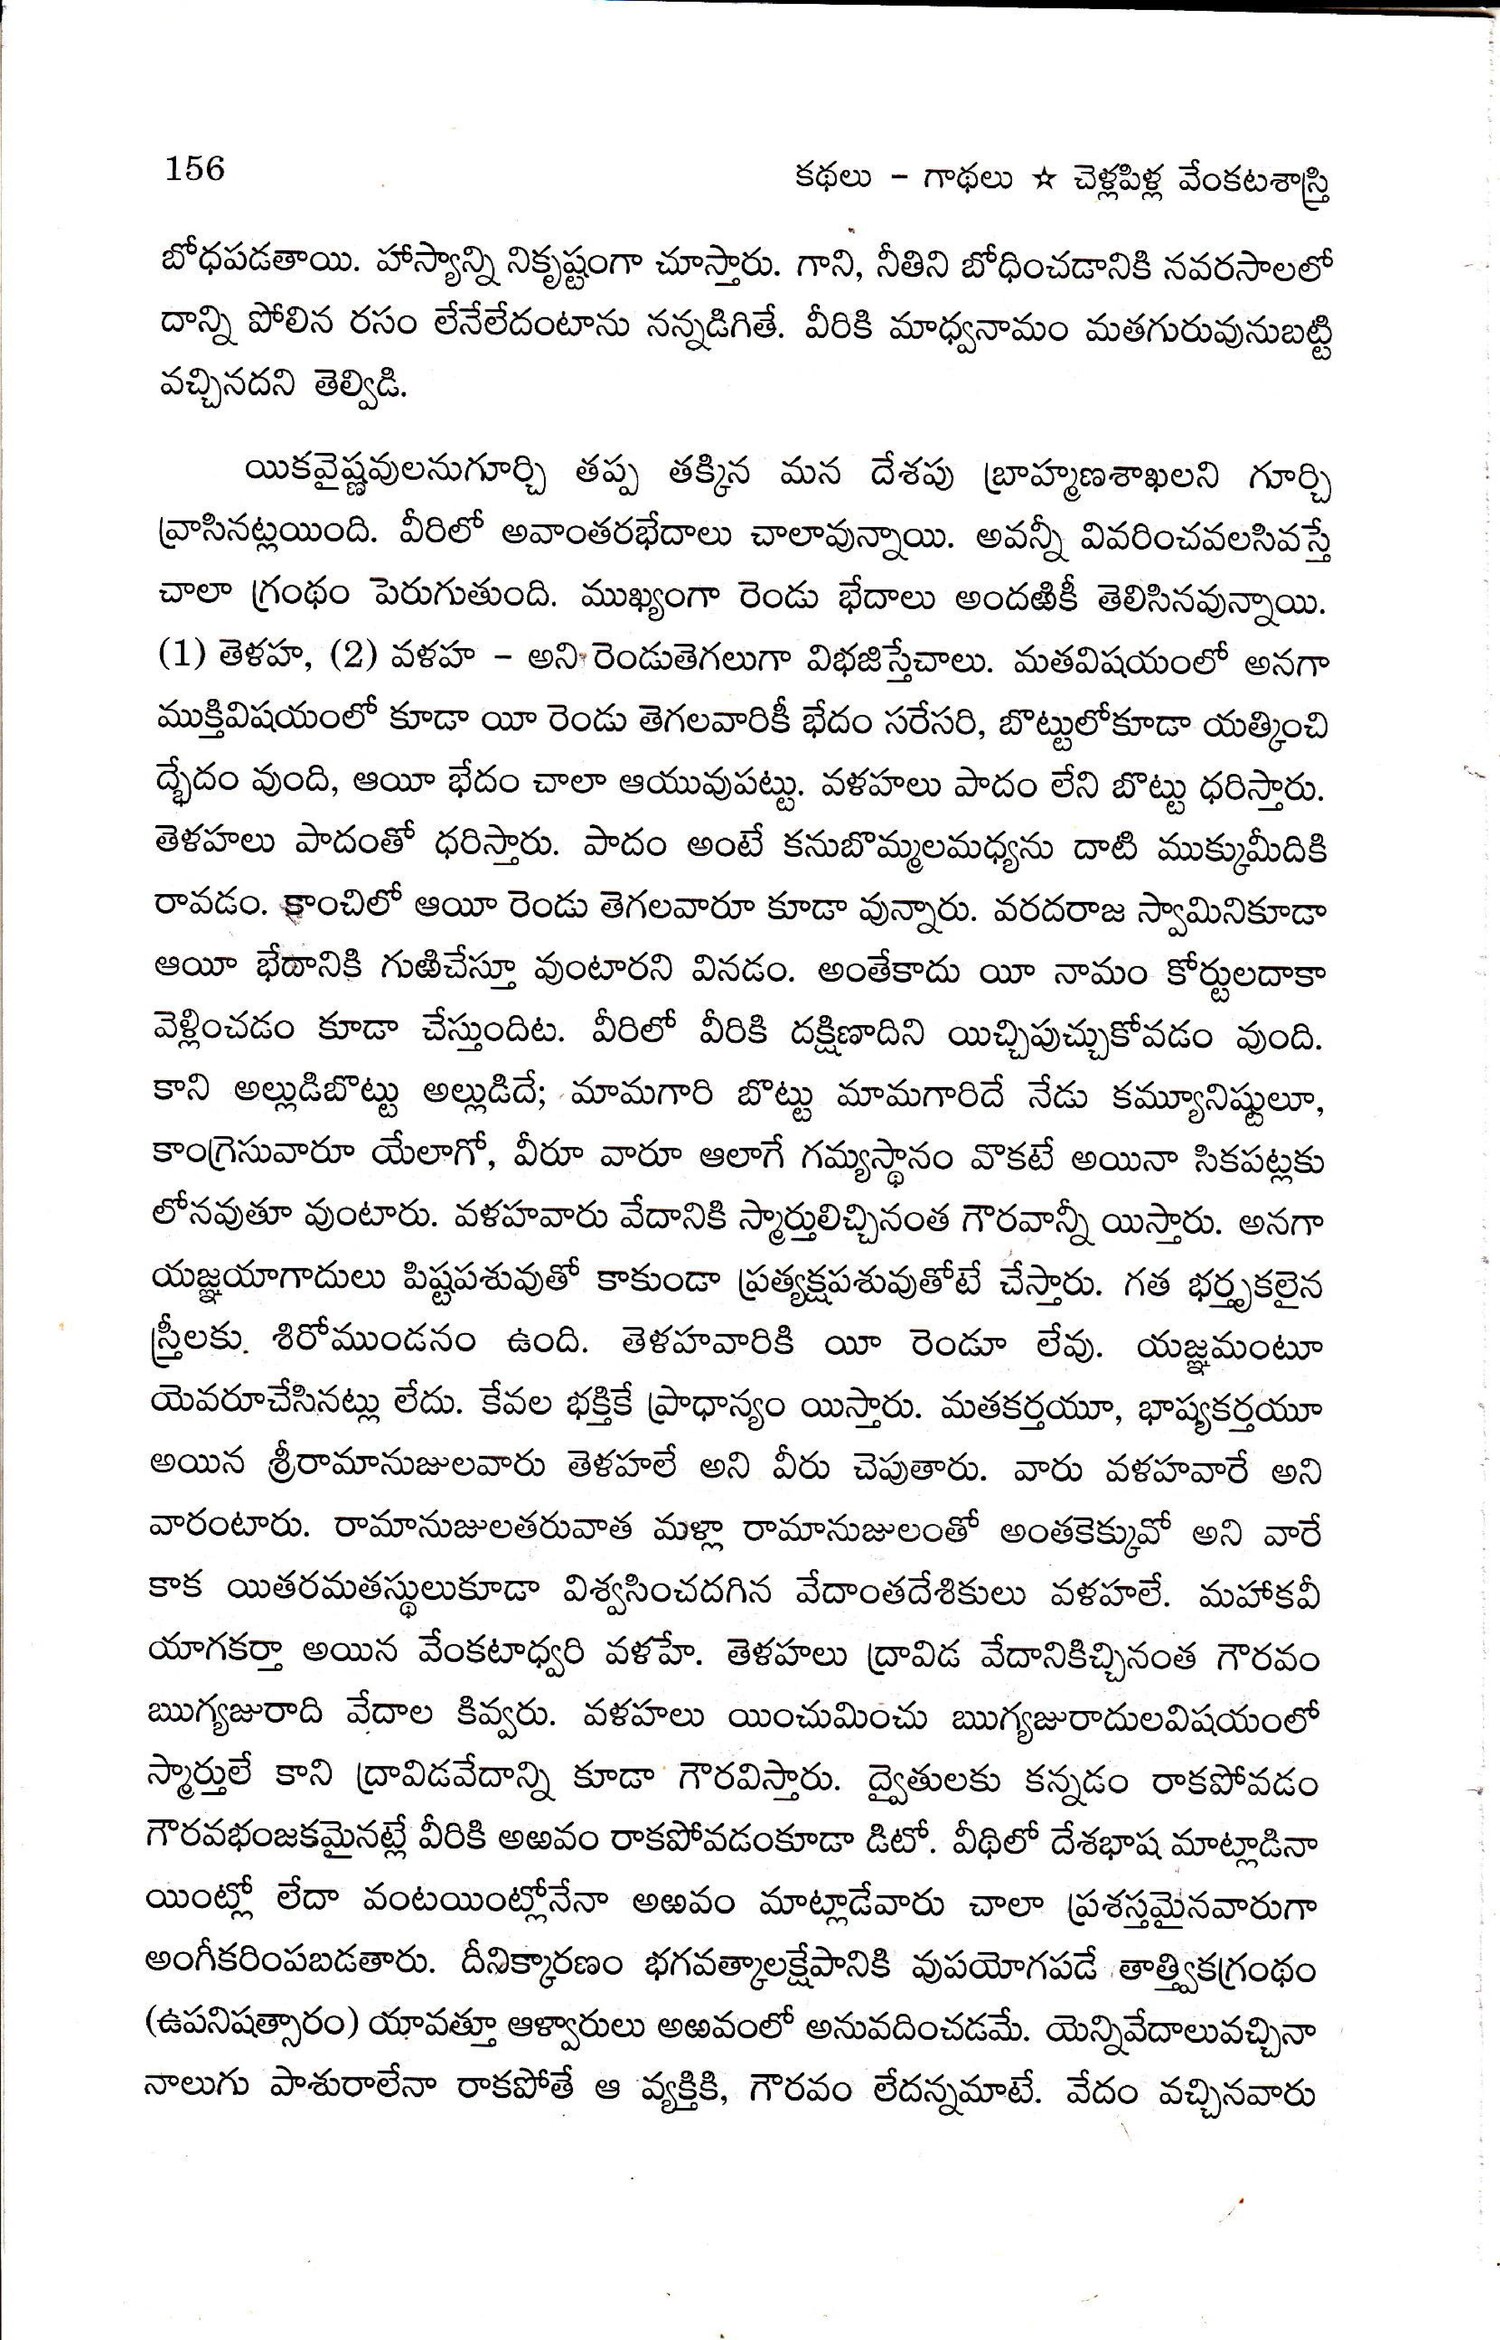బోధపడతాయి. హాస్యాన్ని నికృష్టంగా చూస్తారు. గాని, నీతిని బోధించడానికి నవరసాలలో దాన్ని పోలిన రసం లేనేలేదంటాను నన్నడిగితే. వీరికి మాధ్వనామం మతగురువునుబట్టి వచ్చినదని తెల్విడి.

యికవైష్ణవులనుగూర్చి తప్ప తక్కిన మన దేశపు బ్రాహ్మణశాఖలని గూర్చి వ్రాసినట్లయింది. వీరిలో అవాంతరభేదాలు చాలావున్నాయి. అవన్నీ వివరించవలసివస్తే చాలా గ్రంథం పెరుగుతుంది. ముఖ్యంగా రెండు భేదాలు అందఱికీ తెలిసినవున్నాయి. (1) తెళహ, (2) వళహ - అని రెండు తెగలుగా విభజిస్తేచాలు. మతవిషయంలో అనగా ముక్తివిషయంలో కూడా యీ రెండు తెగలవారికీ భేదం సరేసరి, బొట్టులోకూడా యత్కించి ద్భేదం వుంది, ఆయీ భేదం చాలా ఆయువుపట్టు. వళహలు పాదం లేని బొట్టు ధరిస్తారు. తెళహలు పాదంతో ధరిస్తారు. పాదం అంటే కనుబొమ్మలమధ్యను దాటి ముక్కుమీదికి రావడం. కాంచిలో ఆయీ రెండు తెగలవారూ కూడా వున్నారు. వరదరాజ స్వామినికూడా ఆయీ భేదానికి గుఱిచేస్తూ వుంటారని వినడం. అంతేకాదు యీ నామం కోర్టులదాకా వెళ్లించడం కూడా చేస్తుందిట. వీరిలో వీరికి దక్షిణాదిని యిచ్చిపుచ్చుకోవడం వుంది. కాని అల్లుడిబొట్టు అల్లుడిదే మామగారి బొట్టు మామగారిదే నేడు కమ్యూనిష్టులూ, కాంగ్రెసువారూ యేలాగో, వీరూ వారూ ఆలాగే గమ్యస్థానం వొకటే అయినా సికపట్లకు లోనవుతూ వుంటారు. వళహవారు వేదానికి స్మార్తులిచ్చినంత గౌరవాన్నీ యిస్తారు. అనగా యజ్ఞయాగాదులు పిష్టపశువుతో కాకుండా ప్రత్యక్షపశువుతోటే చేస్తారు. గత భర్తృకలైన స్త్రీలకు, శిరోముండనం ఉంది. తెళహవారికి యీ రెండూ లేవు. యజ్ఞమంటూ యెవరూచేసినట్లు లేదు. కేవల భక్తికే ప్రాధాన్యం యిస్తారు. మతకర్తయూ, భాష్యకర్తయూ అయిన శ్రీరామానుజులవారు తెళహలే అని వీరు చెపుతారు. వారు వళహవారే అని వారంటారు. రామానుజులతరువాత మళ్లా రామానుజులంతో అంతకెక్కువో అని వారే కాక యితరమతస్థులుకూడా విశ్వసించదగిన వేదాంతదేశికులు వళహలే. మహాకవీ యాగకర్తా అయిన వేంకటాధ్వరి వళహే. తెళహలు ద్రావిడ వేదానికిచ్చినంత గౌరవం ఋగ్యజురాది వేదాల కివ్వరు. వళహలు యించుమించు ఋగ్యజురాదులవిషయంలో స్మార్తులే కాని ద్రావిడవేదాన్ని కూడా గౌరవిస్తారు. ద్వైతులకు కన్నడం రాకపోవడం గౌరవభంజకమైనట్లే వీరికి అఱవం రాకపోవడంకూడా డిటో, వీథిలో దేశభాష మాట్లాడినా యింట్లో లేదా వంటయింట్లోనేనా అఱవం మాట్లాడేవారు చాలా ప్రశస్తమైనవారుగా అంగీకరింపబడతారు. దీనిక్కారణం భగవత్కాలక్షేపానికి వుపయోగపడే తాత్త్వికగ్రంథం (ఉపనిషత్సారం) యావత్తూ ఆళ్వారులు అఱవంలో అనువదించడమే. యెన్నివేదాలువచ్చినా నాలుగు పాశురాలేనా రాకపోతే ఆ వ్యక్తికి, గౌరవం లేదన్నమాటే. వేదం వచ్చినవారు